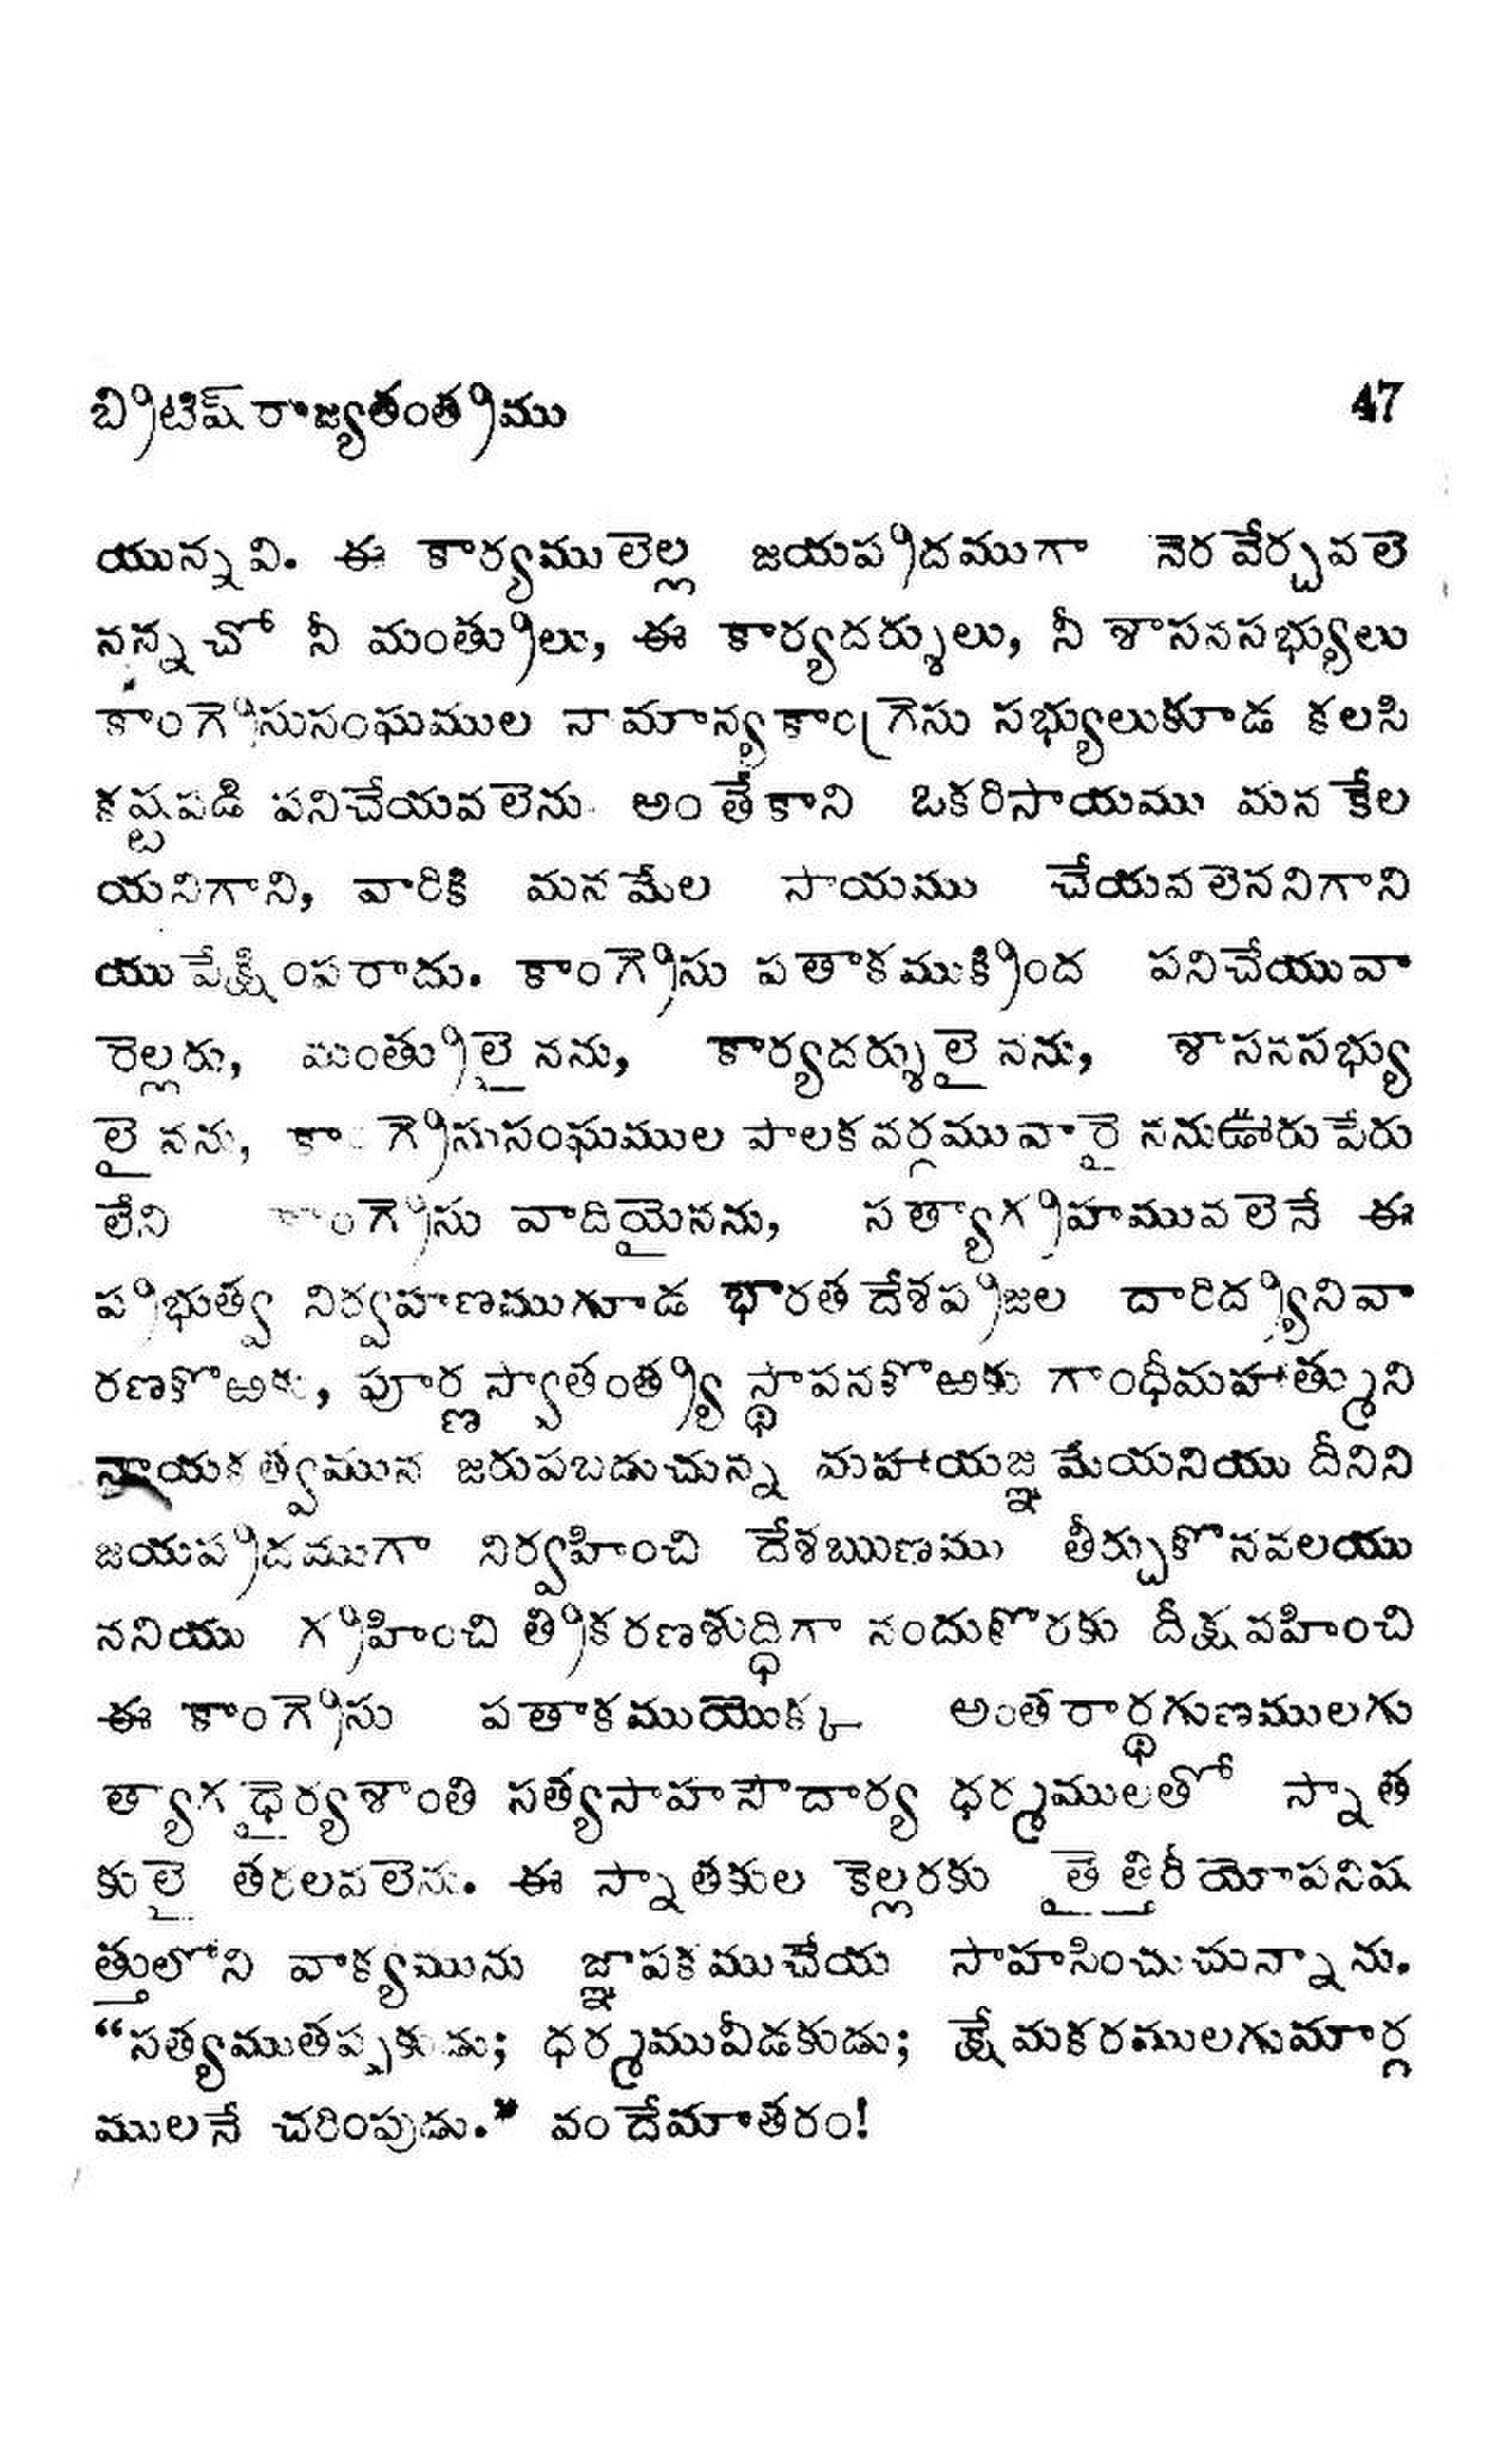యున్నవి. ఈ కార్యములెల్ల జయప్రదముగా నెరవేర్చవలెనన్నచో నీ మంత్రులు, ఈ కార్యదర్శులు, నీ శాసనసభ్యులు కాంగ్రెసుసంఘముల సామాన్యకాంగ్రెసు సభ్యులుకూడ కలసి కష్టపడి పనిచేయవలెను. అంతేకాని ఒకరిసాయము మనకేలయనిగాని, వారికి మనమేల సాయము చేయవలెననిగాని యుపేక్షింపరాదు. కాంగ్రెసు పతాకముక్రింద పనిచేయువారెల్లరు, మంత్రులైనను, కార్యదర్శులైనను, శాసససభ్యులైనను, కాంగ్రెసుసంఘముల పాలకవర్గమువారై నను ఊరుపేరులేని కాంగ్రెసు వాదియైనను, సత్యాగ్రహమువలెనే ఈ ప్రభుత్వ నిర్వహణముగూడ భారతదేశప్రజల దారిద్ర్యనివారణకొఱకు , పూర్ణస్వాతంత్ర్యస్థాపనకొఱుకు గాంధీమహాత్ముని నాయకత్వమున జరుపబడుచున్న మహాయజ్ఞమేయనియు దీనిని జయప్రదముగా నిర్వహించి దేశఋణము తీర్చుకొనవలయుననియు గ్రహించి త్రికరణశుద్ధిగా నందుకొరకు దీక్షవహించి ఈ కాంగ్రెసు పతాకముయొక్క అంతరార్ధగుణములగు త్యాగధైర్యశాంతి సత్యసాహసౌదార్య ధర్మములతో స్నాతకులై తరలవలెను. ఈ స్నాతకుల కెల్లరకు తైత్తితరీయోపనిష త్తులోని వాక్యమును జ్ఞాపకముచేయ సాహసించుచున్నాను. “సత్యముతప్పకుడు; ధర్మమువీడకుడు; క్షేమకరములగు మార్గములనే చరింపుడు." వందేమాతరం!